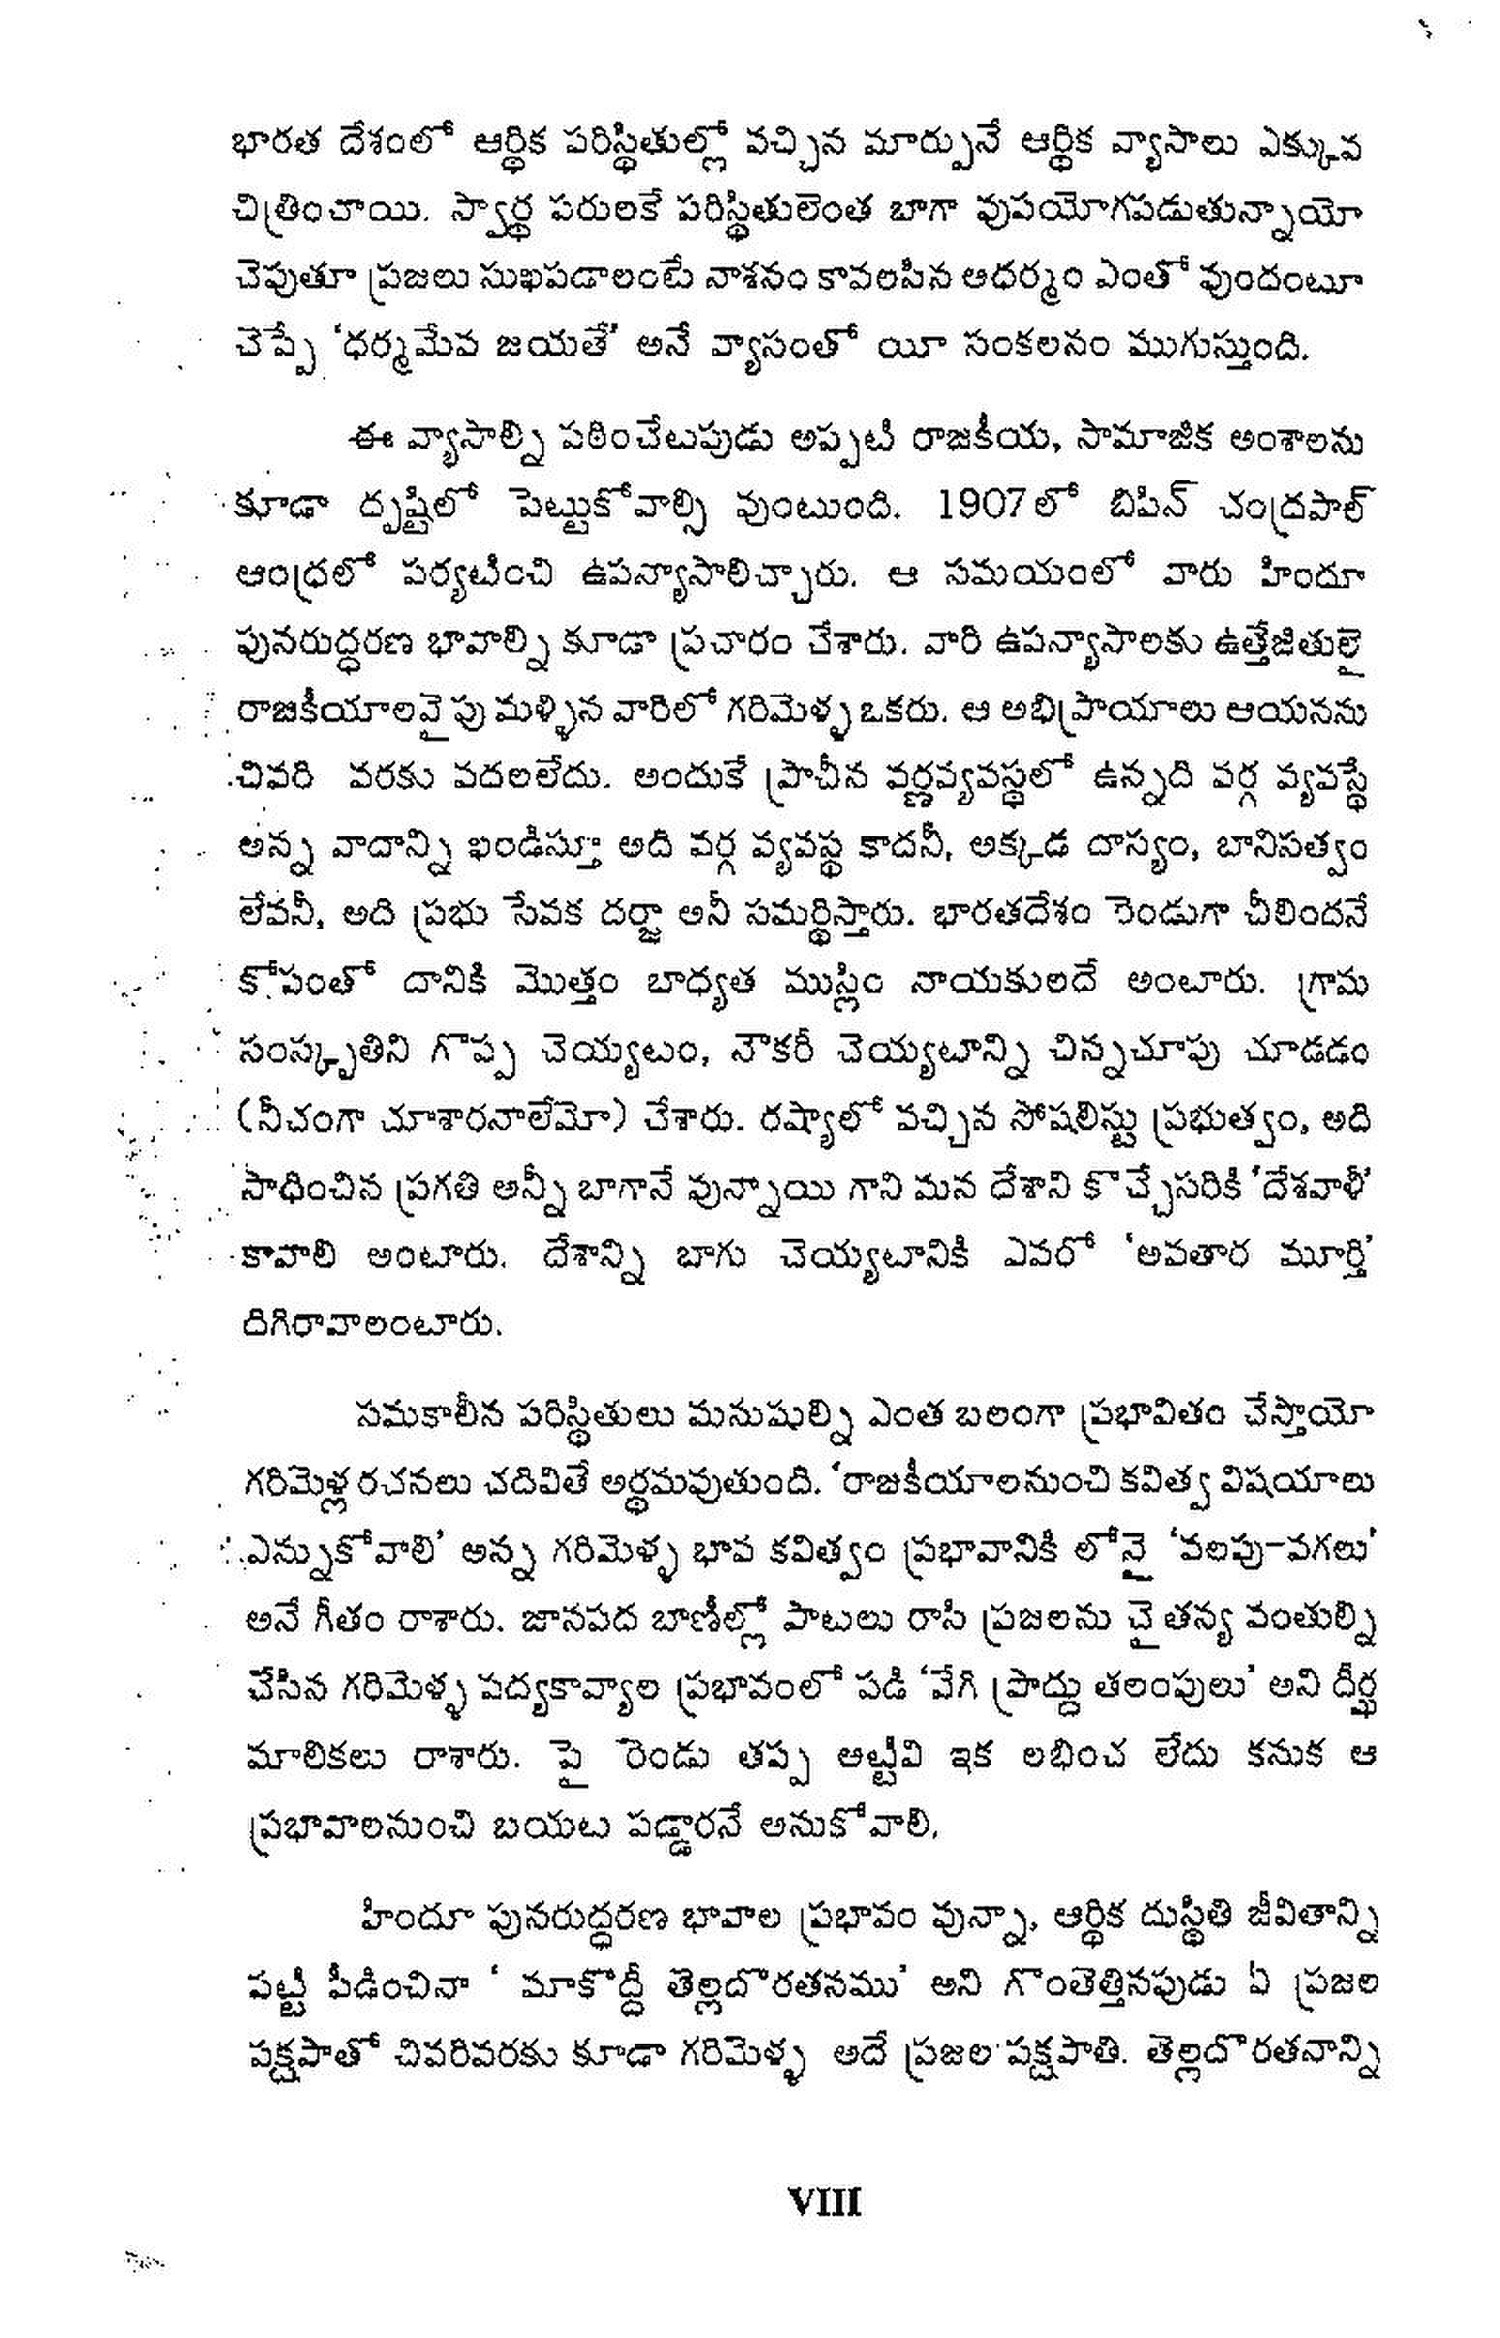భారత దేశంలో ఆర్ధిక పరిస్థితుల్లో వచ్చిన మార్పునే ఆర్ధిక వ్యాసాలు ఎక్కువ చిత్రించాయి. స్వార్థ పరులకే పరిస్థితులెంత బాగా వుపయోగపడుతున్నాయో చెపుతూ ప్రజలు సుఖపడాలంటే నాశనం కావలసిన అధర్మం ఎంతో వుందంటూ చెప్పే 'ధర్మమేవ జయతే' అనే వ్యాసంతో యీ సంకలనం ముగుస్తుంది.

ఈ వ్యాసాల్ని పఠించేటప్పుడు అప్పటి రాజకీయ, సామాజిక అంశాలను కూడా దృష్టిలో పెట్టుకోవాల్సి వుంటుంది. 1907లో బిపిన్ చంద్రపాల్ ఆంధ్రలో పర్యటించి ఉపన్యాసాలిచ్చారు. ఆ సమయంలో వారు హిందూ పునరుద్ధరణ భావాల్ని కూడా ప్రచారం చేశారు. వారి ఉపన్యాసాలకు ఉత్తేజితులై రాజకీయాలవైపు మళ్ళిన వారిలో గరిమెళ్ళ ఒకరు. ఆ అభిప్రాయాలు ఆయనను చివరి వరకు వదలలేదు. అందుకే ప్రాచీన వర్ణవ్యవస్థలో ఉన్నది వర్గ వ్యవస్థే అన్న వాదాన్ని ఖండిస్తూ అది వర్గ వ్యవస్థ కాదనీ, అక్కడ దాస్యం, బానిసత్వం లేవనీ, అది ప్రభు సేవక దర్జా అనీ సమర్థిస్తారు. భారతదేశం రెండుగా చీలిందనే కోపంతో దానికి మొత్తం బాధ్యత ముస్లిం నాయకులదే అంటారు. గ్రామ సంస్కృతిని గొప్ప చెయ్యటం, నౌకరీ చెయ్యటాన్ని చిన్నచూపు చూడడం (నీచంగా చూశారనాలేమో) చేశారు. రష్యాలో వచ్చిన సొషలిస్టు ప్రభుత్వం, అది సాధించిన ప్రగతి అన్నీ బాగానే వున్నాయి గాని మన దేశాని కొచ్చేసరికి 'దేశవాళీ ' కావాలి అంటారు. దేశాన్ని బాగు చెయ్యటానికి ఎవరో 'అవతార మూర్తి ' దిగిరావాలంటారు.

సమకాలీన పరిస్థితులు మనుషుల్ని ఎంత బలంగా ప్రభావితం చేస్తాయో గరిమెళ్లరచనలు చదివితే అర్థమవుతుంది. 'రాజకీయాలనుంచి కవిత్వ విషయాలు ఎన్నుకోవాలి' అన్న గరిమెళ్ళ భావ కవిత్వం ప్రభావానికి లోనై 'వలపు-వగలు' అనే గీతం రాశారు. జానపద బాణీల్లో పాటలు రాసి ప్రజలను చైతన్యవంతుల్ని చేసిన గరిమెళ్ళ పద్యకావ్యాల ప్రభావంలో పడి 'వేగి ప్రొద్దు తలంపులు' అని దీర్ఘ మాలికలు రాశారు. పై రెండు తప్ప అట్టివి ఇక లభించ లేదు కనుక ఆ ప్రభావాలనుంచి బయట పడ్డారనే అనుకొవాలి.

హిందూ పునరుద్దరణ భావాల ప్రభావం వున్నా, ఆర్థిక దుస్థితి జీవితాన్ని పట్టి పీడించినా 'మాకొద్దీ తెల్లదొరతనము ' అని గొంతెత్తినపుడు ఏ ప్రజల పక్షపాతో చివరివరకు కూడా గరిమెళ్ళ అదే ప్రజల పక్షపాతి. తెల్లదొరతనాన్ని